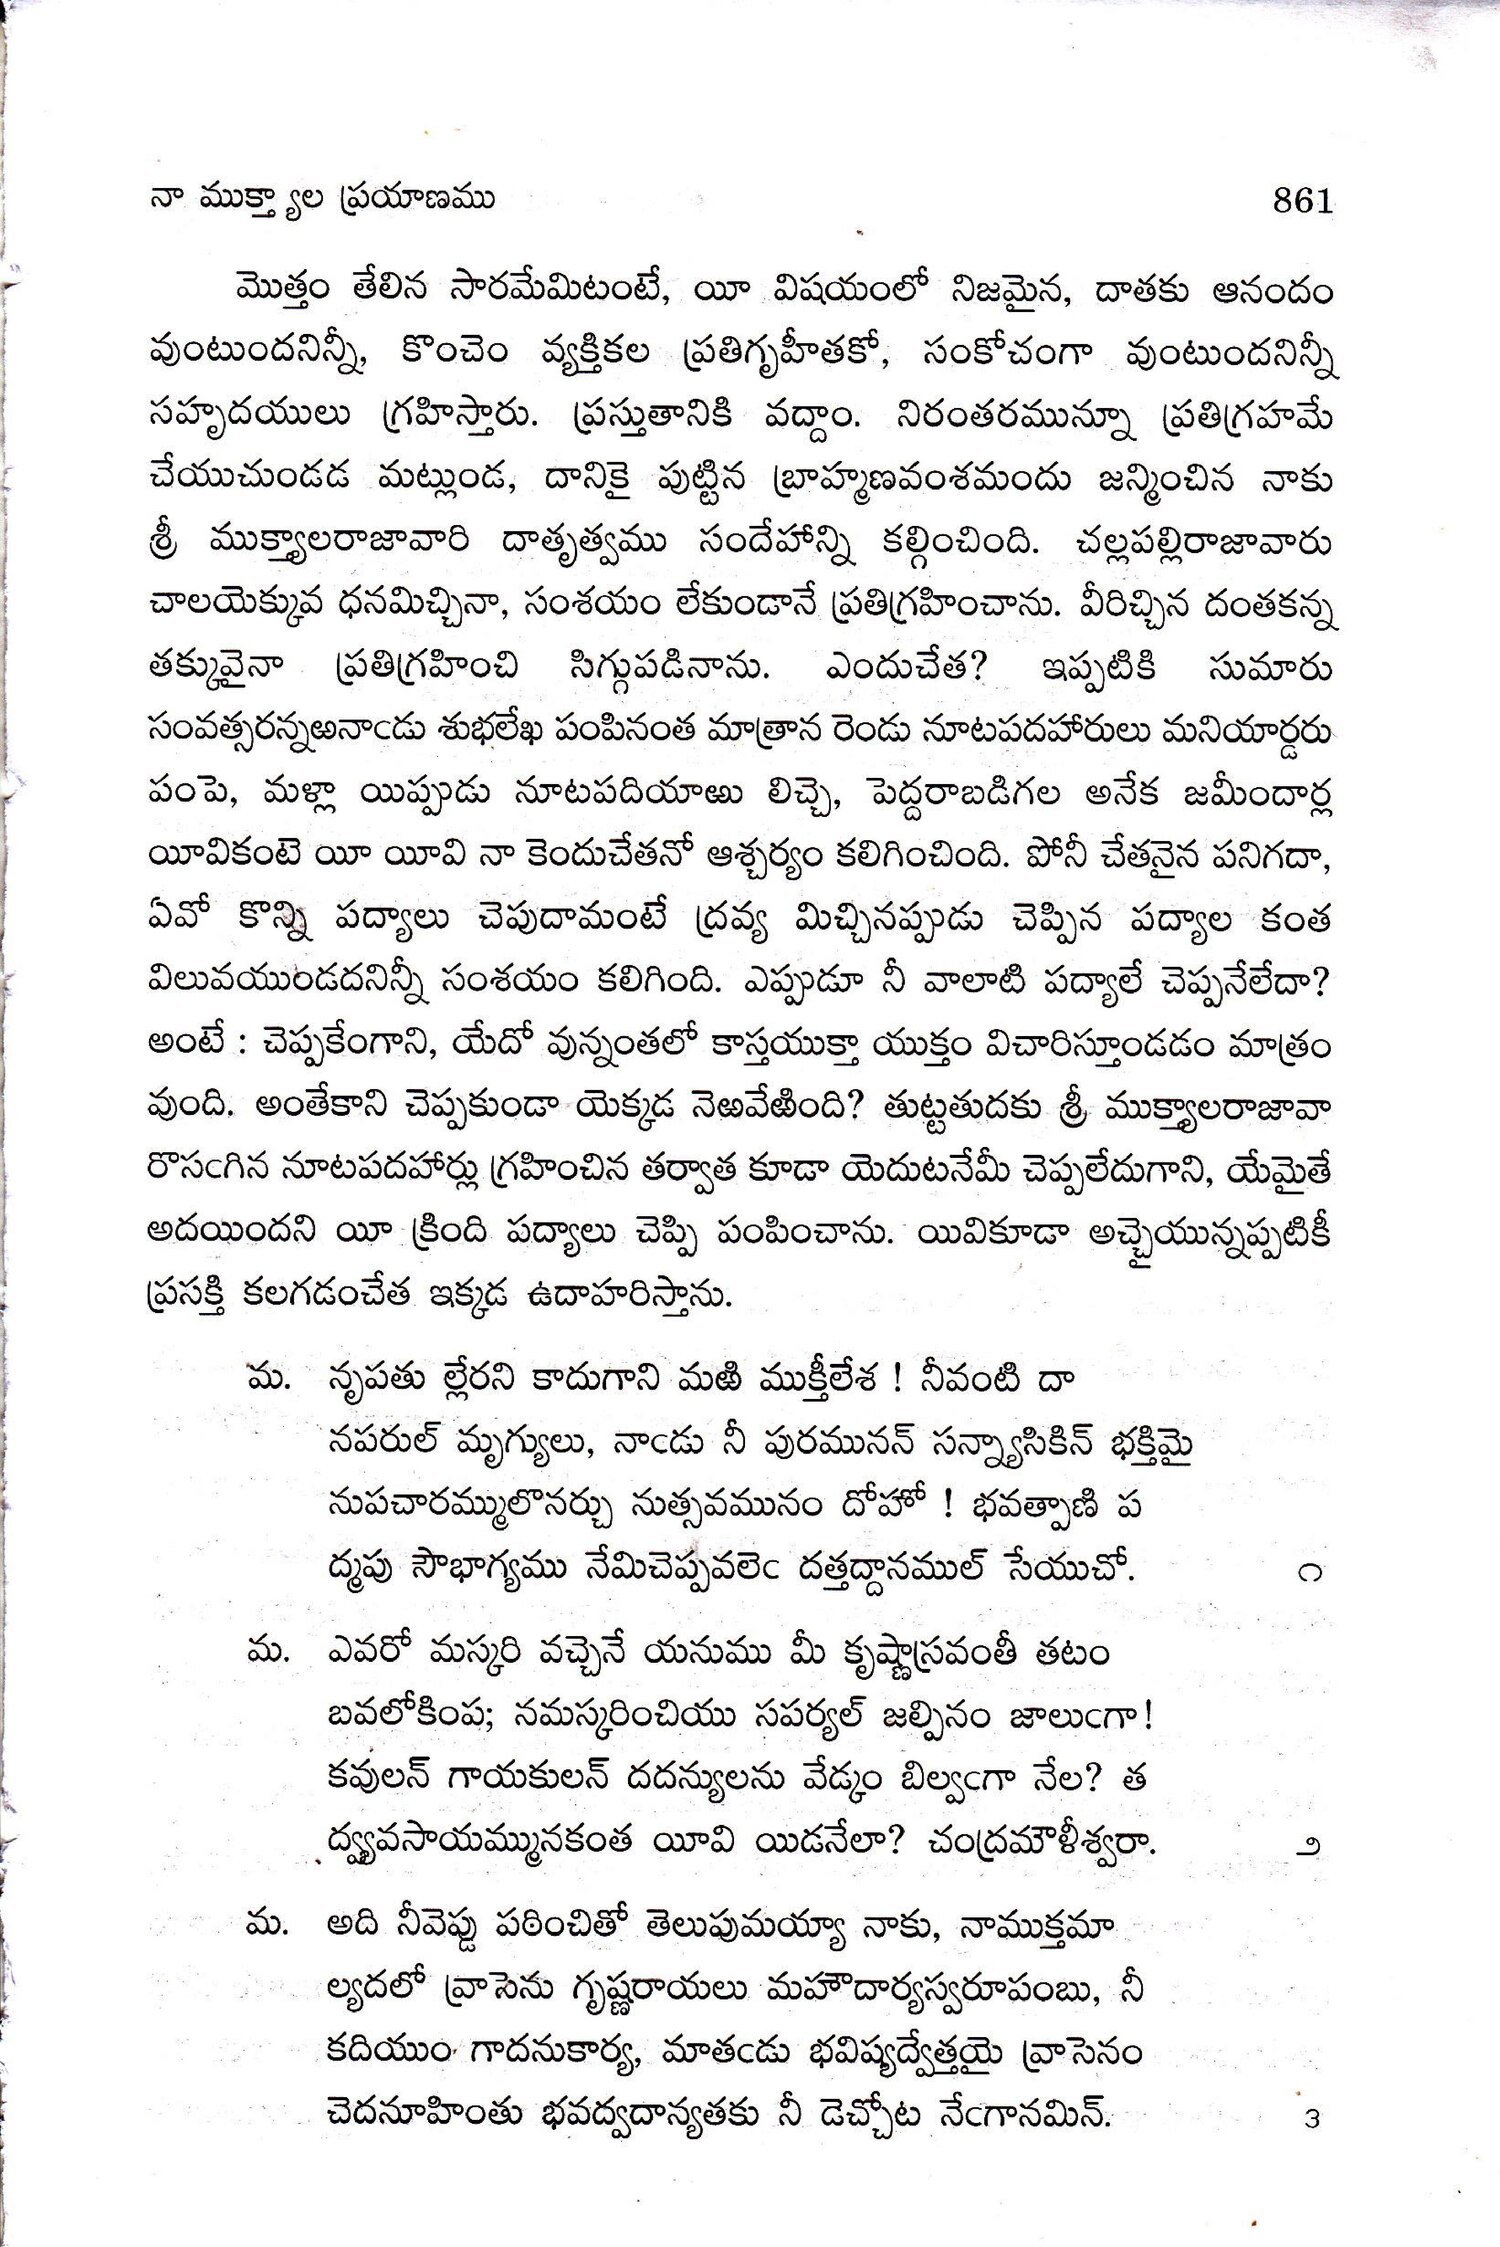మొత్తం తేలిన సారమేమిటంటే, యీ విషయంలో నిజమైన, దాతకు ఆనందం వుంటుందనిన్నీ కొంచెం వ్యక్తికల ప్రతిగృహీతకో, సంకోచంగా వుంటుందనిన్నీ సహృదయులు గ్రహిస్తారు. ప్రస్తుతానికి వద్దాం. నిరంతరమున్నూ ప్రతిగ్రహమే చేయుచుండడ మట్లుండ, దానికై పుట్టిన బ్రాహ్మణవంశమందు జన్మించిన నాకు శ్రీ ముక్త్యాలరాజావారి దాతృత్వము సందేహాన్ని కల్గించింది. చల్లపల్లిరాజావారు చాలయెక్కువ ధనమిచ్చినా, సంశయం లేకుండానే ప్రతిగ్రహించాను. వీరిచ్చిన దంతకన్న తక్కువైనా ప్రతిగ్రహించి సిగ్గుపడినాను. ఎందుచేత? ఇప్పటికి సుమారు సంవత్సరన్నఱనాఁడు శుభలేఖ పంపినంత మాత్రాన రెండు నూటపదహారులు మనియార్డరు పంపె, మళ్లా యిప్పుడు నూటపదియాఱు లిచ్చె, పెద్దరాబడిగల అనేక జమీందార్ల యీవికంటె యీ యీవి నా కెందుచేతనో ఆశ్చర్యం కలిగించింది. పోనీ చేతనైన పనిగదా, ఏవో కొన్ని పద్యాలు చెపుదామంటే ద్రవ్య మిచ్చినప్పుడు చెప్పిన పద్యాల కంత విలువయుండదనిన్నీ సంశయం కలిగింది. ఎప్పుడూ నీ వాలాటి పద్యాలే చెప్పనేలేదా? అంటే : చెప్పకేంగాని, యేదో వున్నంతలో కాస్తయుక్తా యుక్తం విచారిస్తూండడం మాత్రం వుంది. అంతేకాని చెప్పకుండా యొక్కడ నెఱవేఱింది? తుట్టతుదకు శ్రీ ముక్త్యాలరాజావా రొసఁగిన నూటపదహార్లు గ్రహించిన తర్వాత కూడా యెదుటనేమీ చెప్పలేదుగాని, యేమైతే అదయిందని యీ క్రింది పద్యాలు చెప్పి పంపించాను. యివికూడా అచ్చైయున్నప్పటికీ ప్రసక్తి కలగడంచేత ఇక్కడ ఉదాహరిస్తాను. 

మ. నృపతు ల్లేరని కాదుగాని మఱి ముక్తీలేశ ! నీవంటి దా
 నపరుల్ మృగ్యులు, నాఁడు నీ పురమునన్ సన్న్యాసికిన్ భక్తిమై 
 నుపచారమ్ములొనర్చు నుత్సవమునం దోహో ! భవత్పాణి ప 
 ద్మపు సౌభాగ్యము నేమిచెప్పవలెఁ దత్తద్దానముల్ సేయుచో. - 1

మ. ఎవరో మస్కరి వచ్చెనే యనుము మీ కృష్ణాస్రవంతీ తటం
 బవలోకింప; నమస్కరించియు సపర్యల్ జల్పినం జాలుఁగా!
 కవులన్ గాయకులన్ దదన్యులను వేడుం బిల్వఁగా నేల? త 
 ద్వ్యవసాయమ్మునకంత యీవి యిడనేలా? చంద్రమౌళీశ్వరా - 2

మ. అది నీవెప్డు పఠించితో తెలుపుమయ్యా నాకు, నాముక్తమా
 ల్యదలో వ్రాసెను గృష్ణరాయలు మహౌదార్యస్వరూపంబు, నీ 
 కదియుం గాదనుకార్య, మాతఁడు భవిష్యద్వేత్తయై వ్రాసెనం 
 చెదనూహింతు భవద్వదాన్యతకు నీ డెచ్చోట నేఁగానమిన్. - 3